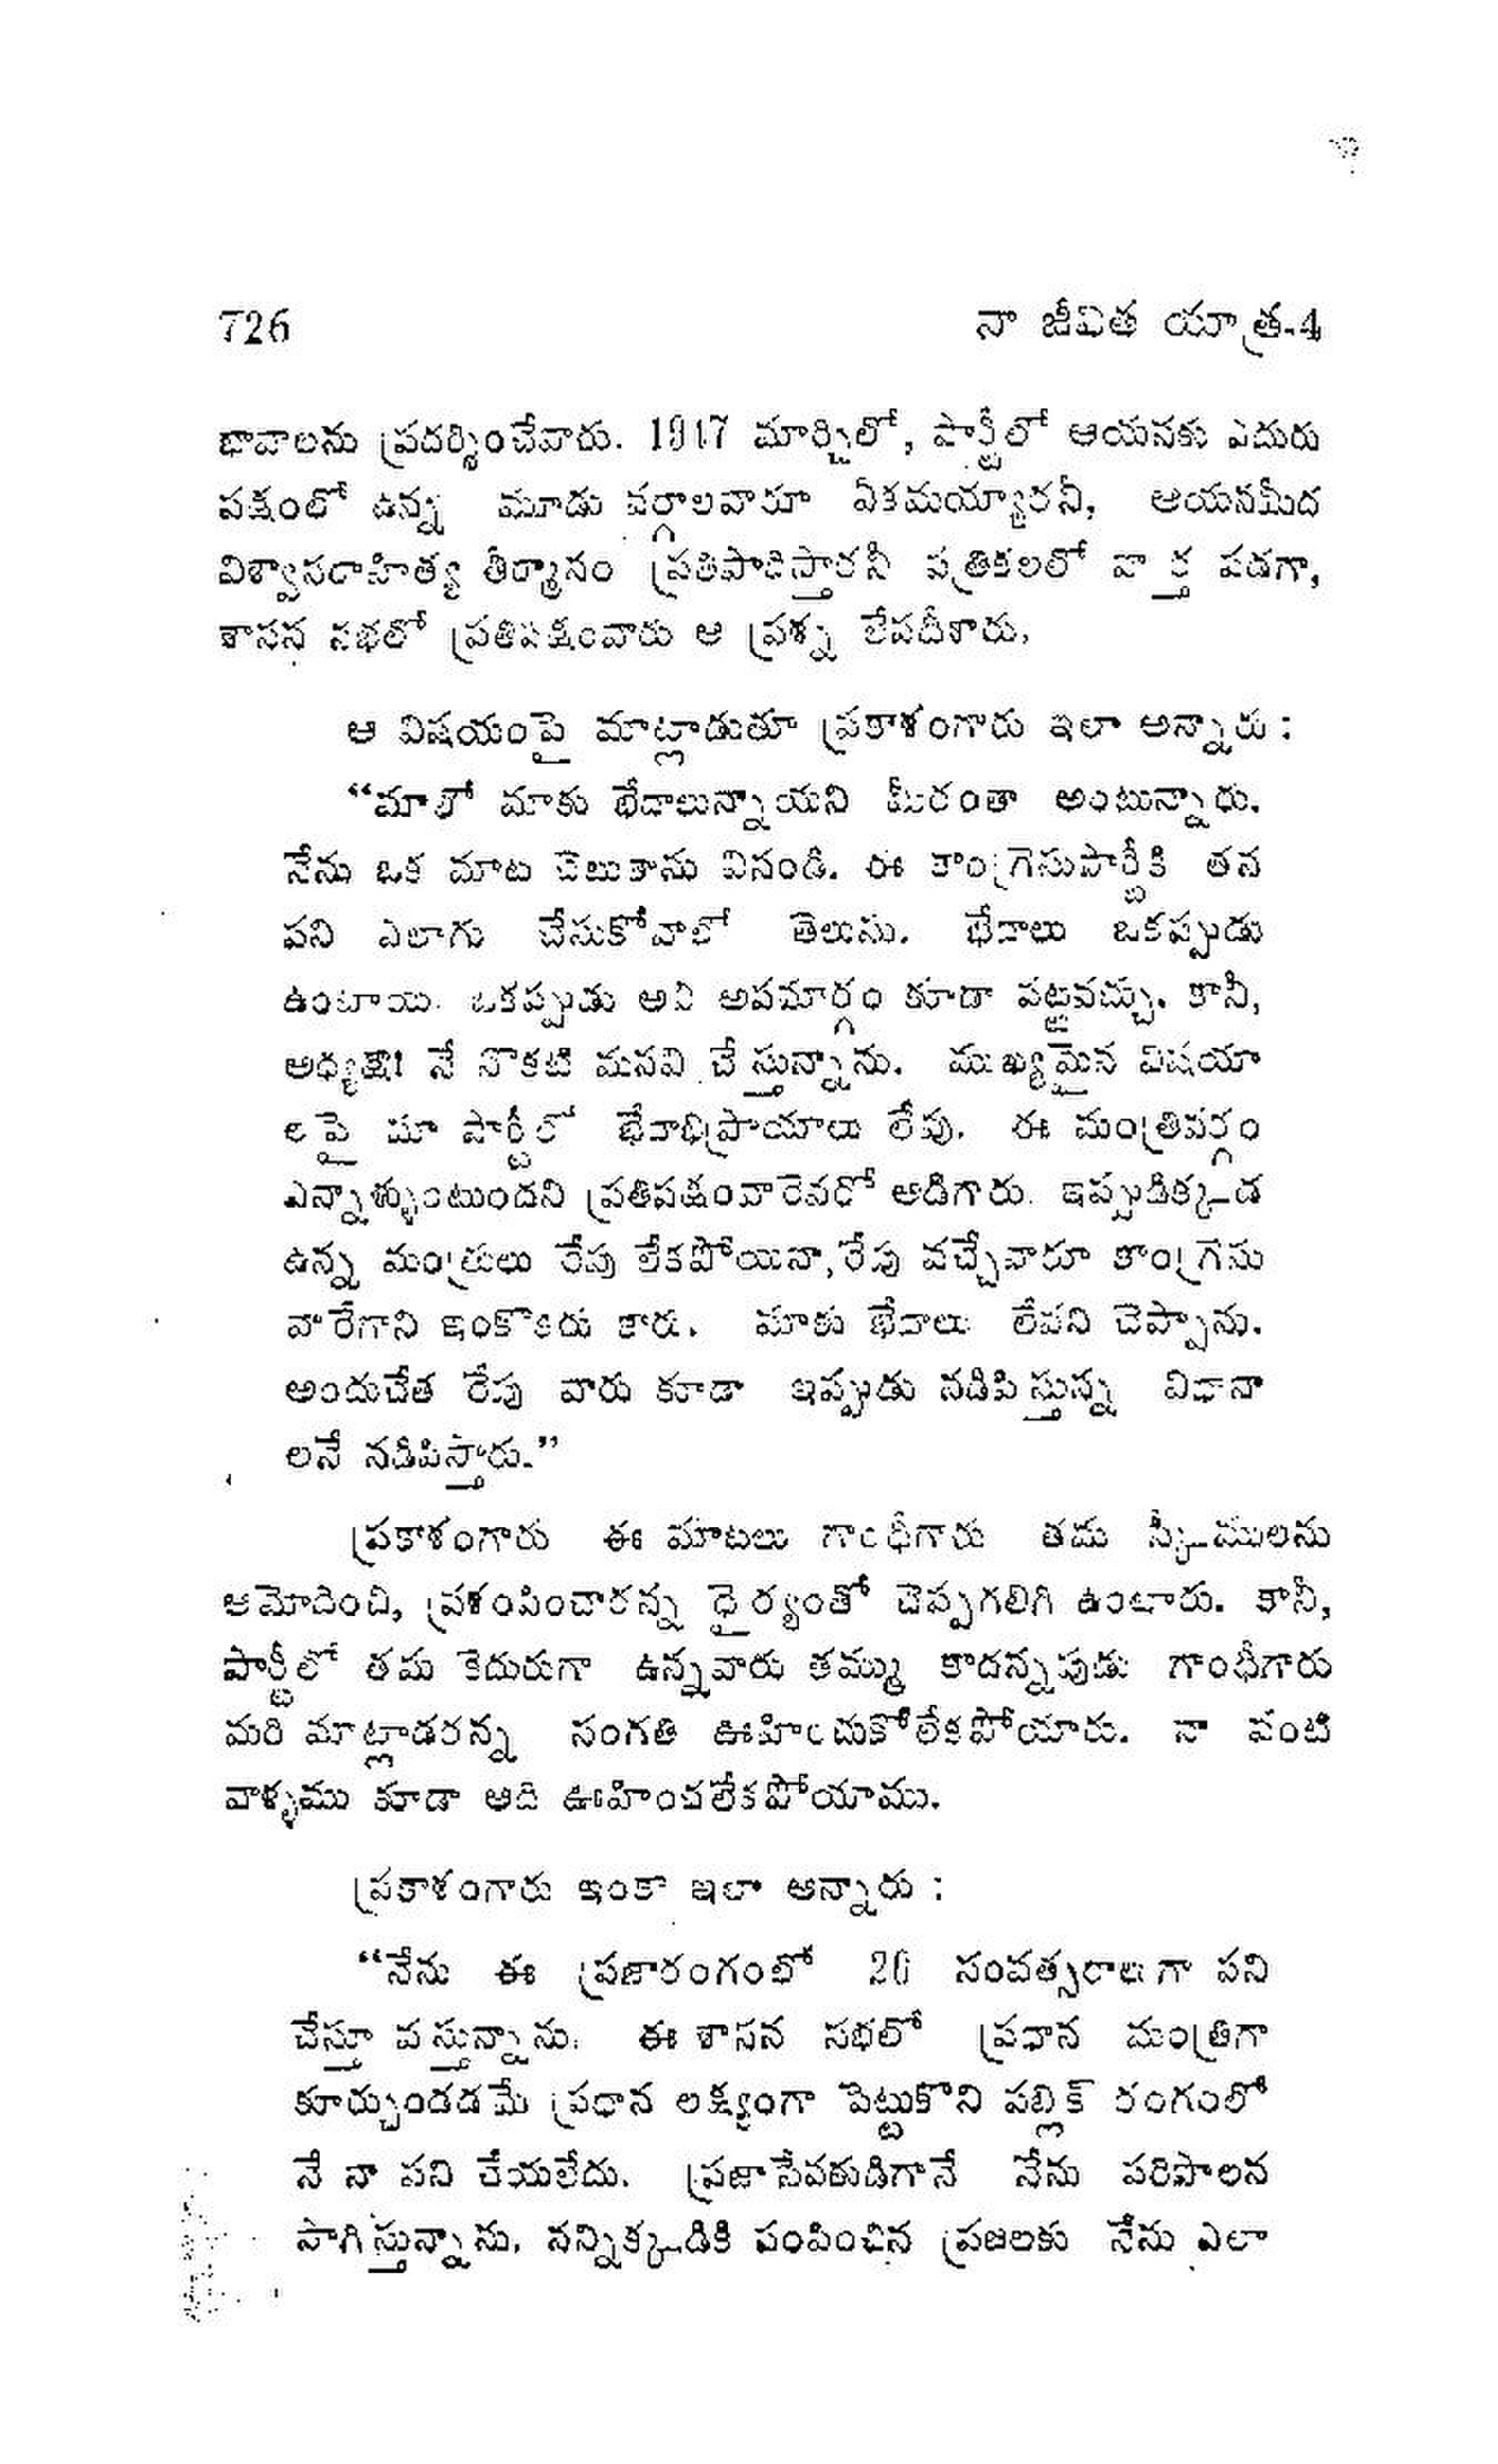భావాలను ప్రదర్శించేవారు. 1947 మార్చిలో, పార్టీలో ఆయనకు ఎదురుపక్షంలో ఉన్న మూడు వర్గాలవారూ ఏకమయ్యారనీ, ఆయనమీద విశ్వాసరాహిత్య తీర్మానం ప్రతిపాదిస్తారనీ పత్రికలలో వార్త పడగా శాసన సభలో ప్రతిపక్షంవారు ఆ ప్రశ్న లేవదీశారు.

ఆ విషయంపై మాట్లాడుతూ ప్రకాశంగారు ఇలా అన్నారు:

"మాలో మాకు భేదాలున్నాయని మీరంతా అంటున్నారు. నేను ఒక మాట చెబుతాను వినండి. ఈ కాంగ్రెసుపార్టీకి తనపని ఎలాగు చేసుకోవాలో తెలుసు. భేదాలు ఒకప్పుడు ఉంటాయి. ఒకప్పుడు అవి అపమార్గం కూడా పట్టవచ్చు. కానీ, అధ్యక్షా! నే నొకటి మనవి చేస్తున్నాను. ముఖ్యమైన విషయాలపై మా పార్టీలో భేదాభిప్రాయాలు లేవు. ఈ మంత్రివర్గం ఎన్నాళ్ళుంటుందని ప్రతిపక్షంవారెవరో అడిగారు. ఇప్పుడిక్కడ ఉన్న మంత్రులు రేపు లేకపోయినా, రేపు వచ్చేవారూ కాంగ్రెసువారేగాని ఇంకొకరు కారు. మాకు భేదాలు లేవని చెప్పాను. అందుచేత రేపు వారు కూడా ఇప్పుడు నడిపిస్తున్న విధానాలనే నడిపిస్తారు."

ప్రకాశంగారు ఈ మాటలు గాంధీగారు తమ స్కీములను ఆమోదించి, ప్రశింసించారన్న ధైర్యంతో చెప్పగలిగి ఉంటారు. కానీ, పార్టీలో తమ కెదురుగా ఉన్నవారు తమ్ము కాదన్నపుడు గాంధీగారు మరి మాట్లాడరన్న సంగతి ఊహించుకోలేకపోయారు. నా వంటి వాళ్ళము కూడా అది ఊహించలేకపోయాము.

ప్రకాశంగారు ఇంకా ఇలా అన్నారు:

"నేను ఈ ప్రజారంగంలో 26 సంవత్సరాలగా పనిచేస్తూ వస్తున్నాను. ఈ శాసన సభలో ప్రధాన మంత్రిగా కూర్చుండడమే ప్రధాన లక్ష్యంగా పెట్టుకొని పబ్లిక్ రంగంలో నేనా పని చేయలేదు. ప్రజాసేవకుడిగానే నేను పరిపాలన సాగిస్తున్నాను. నన్నిక్కడికి పంపించిన ప్రజలకు నేను ఎలా